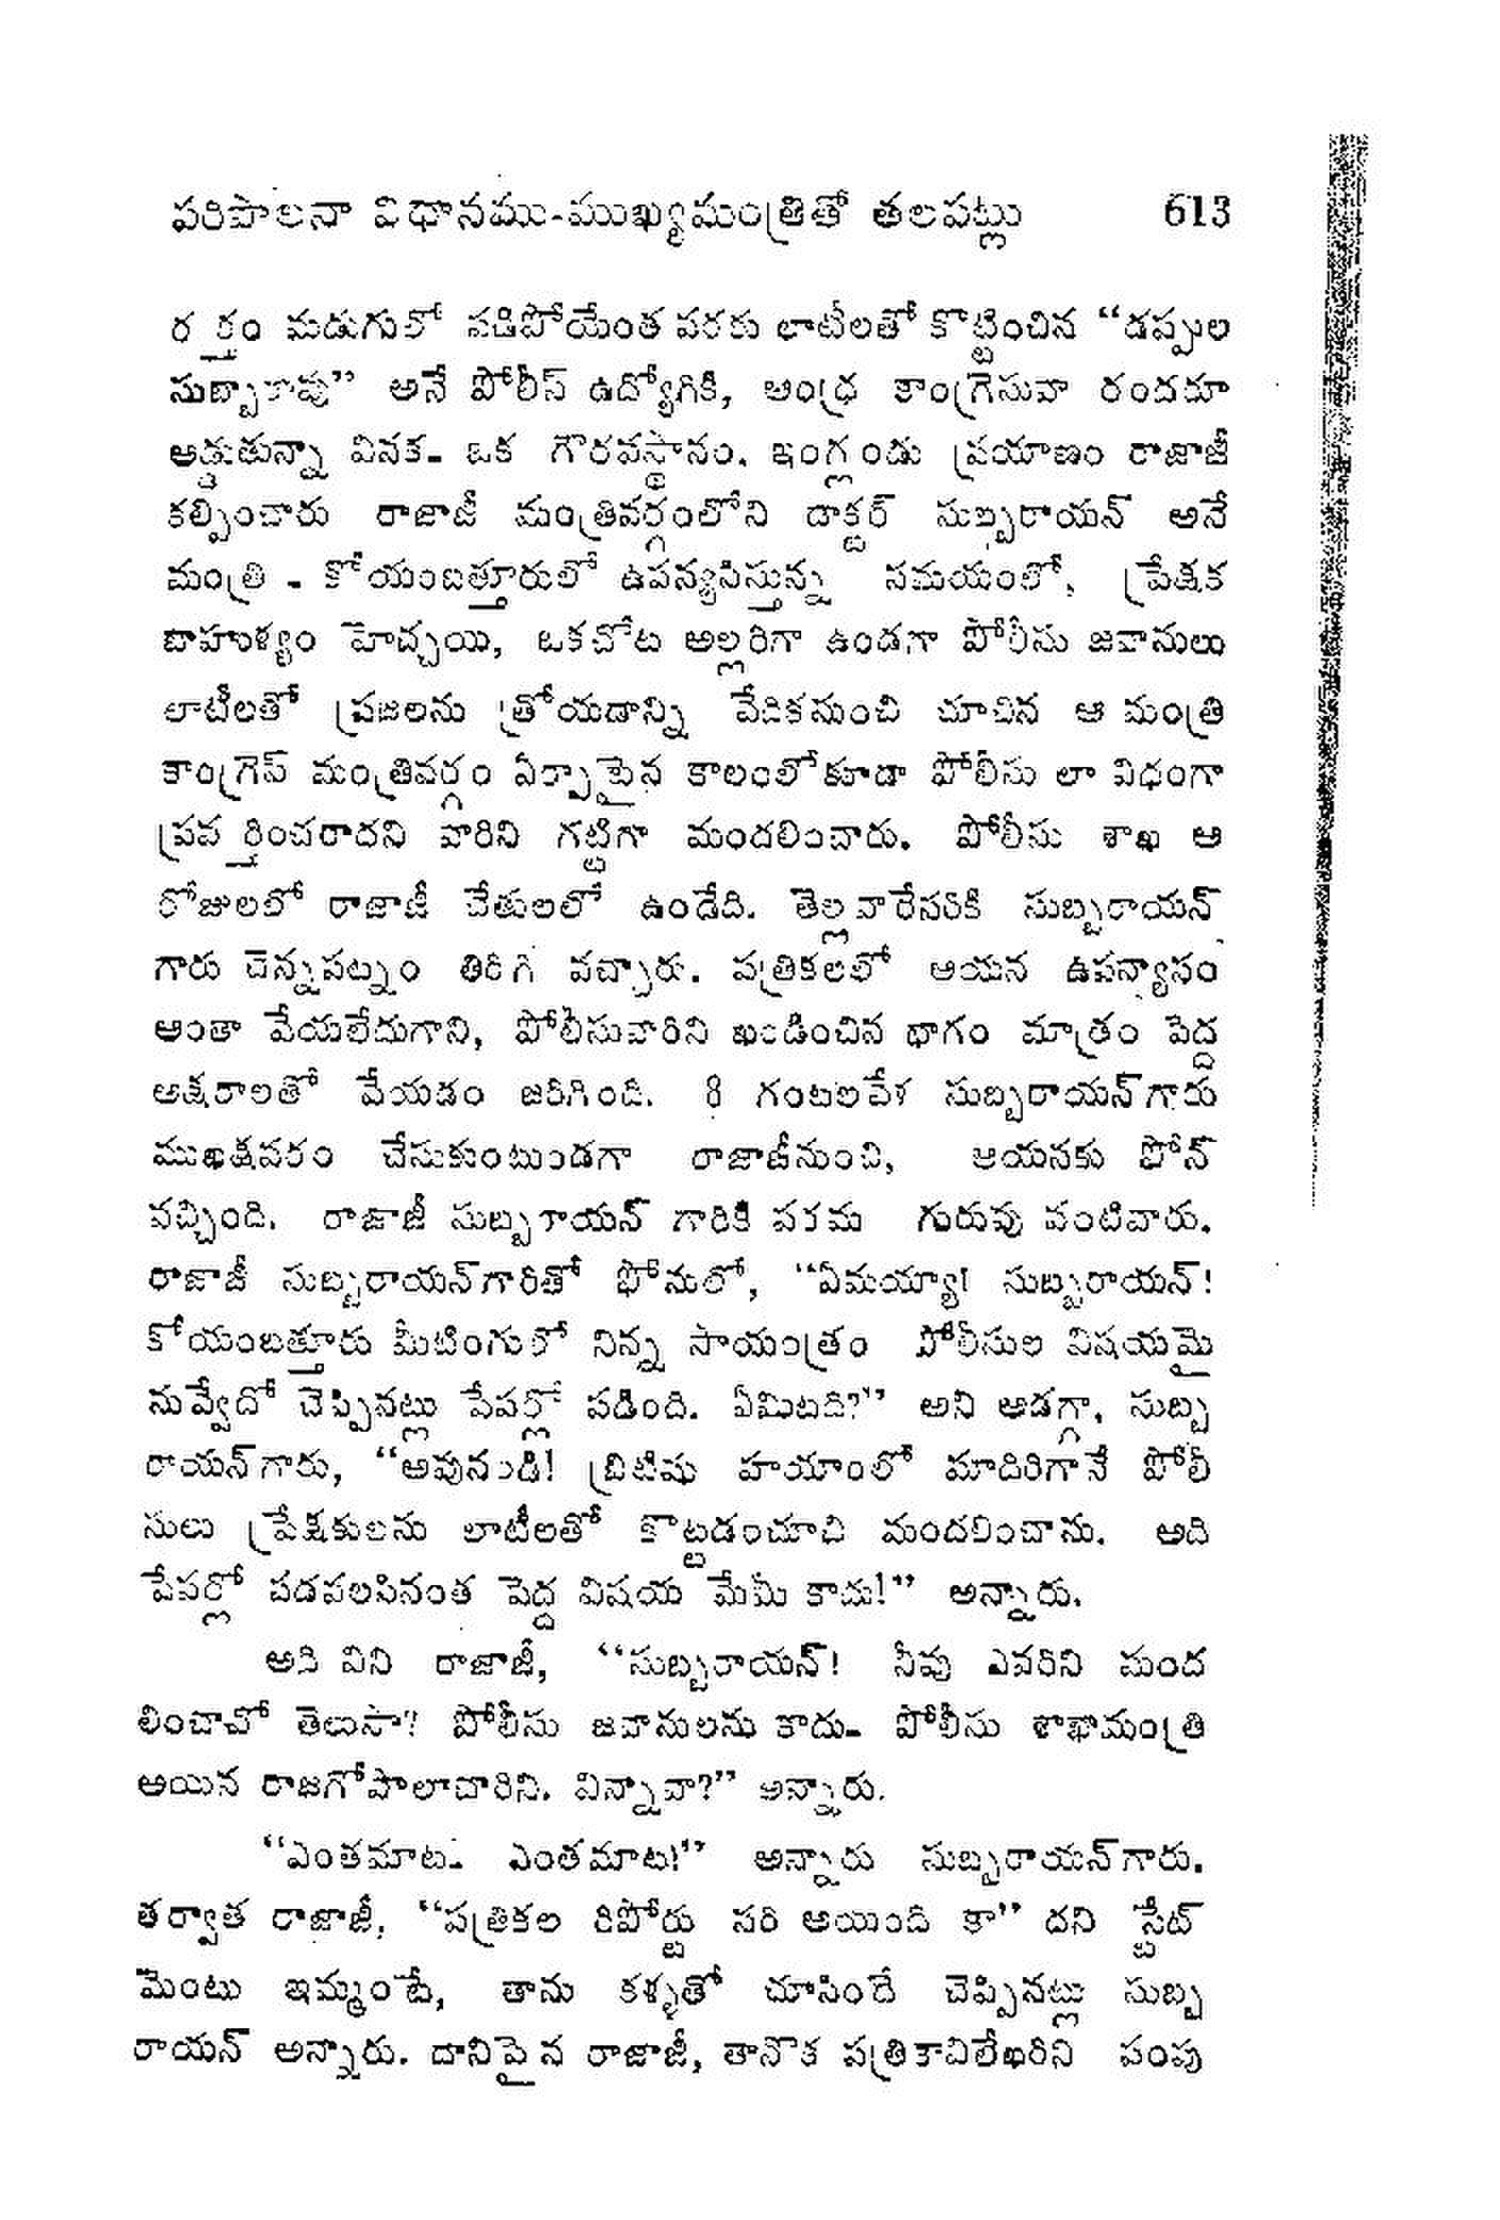రక్తం మడుగులో పడిపోయేంత వరకు లాటీలతో కొట్టించిన "డప్పుల సుబ్బారావు" అనే పోలీస్ ఉద్యోగికి, ఆంధ్ర కాంగ్రెసువా రందరూ అడ్డుతున్నా వినక - ఒక గౌరవస్థానం. ఇంగ్లండు ప్రయాణం రాజాజీ కల్పించారు రాజాజీ మంత్రివర్గంలోని డాక్టర్ సుబ్బరాయన్ అనే మంత్రి - కోయంబత్తూరులో ఉపన్యసిస్తున్న సమయంలో, ప్రేక్షక బాహుళ్యం హెచ్చయి, ఒకచోట అల్లరిగా ఉండగా పోలీసు జవానులు లాటీలతో ప్రజలను త్రోయడాన్ని వేదికనుంచి చూచిన ఆ మంత్రి కాంగ్రెస్ మంత్రివర్గం ఏర్పాటైన కాలంలోకూడా పోలీసు లా విధంగా ప్రవర్తించ రాదని వారిని గట్టిగా మందలించారు. పోలీసు శాఖ ఆ రోజులలో రాజాజీ చేతులలో ఉండేది. తెల్లవారేసరికి సుబ్బరాయన్ గారు చెన్నపట్నం తిరిగి వచ్చారు. పత్రికలలో ఆయన ఉపన్యాసం అంతా వేయలేదుగాని, పోలీసువారిని ఖండించిన భాగం మాత్రం పెద్ద అక్షరాలతో వేయడం జరిగింది. 8 గంటలవేళ సుబ్బరాయన్‌గారు ముఖక్షవరం చేసుకుంటుండగా రాజాజీనుంచి, ఆయనకు పోన్ వచ్చింది. రాజాజీ సుబ్బరాయన్ గారికి పరమ గురువు వంటివారు. రాజాజీ సుబ్బరాయన్‌గారితో ఫోనులో, "ఏమయ్యా! సుబ్బరాయన్! కోయంబత్తూరు మీటింగులో నిన్న సాయంత్రం పోలీసుల విషయమై నువ్వేదో చెప్పినట్లు పేపర్లో పడింది. ఏమిటిది?" అని అడగ్గా, సుబ్బరాయన్‌గారు, "అవునండి! బ్రిటిషు హయాంలో మాదిరిగానే పోలీసులు ప్రేక్షకులను లాటీలతో కొట్టడంచూచి మందలించాను. అది పేపర్లో పడవలసినంత పెద్ద విషయ మేమీ కాదు!" అన్నారు.

అది విని రాజాజీ, "సుబ్బరాయన్! నీవు ఎవరిని మందలించావో తెలుసా? పోలీసు జవానులను కాదు - పోలీసు శాఖామంత్రి అయిన రాజగోపాలాచారిని. విన్నావా?" అన్నారు.

"ఎంతమాట - ఎంతమాట!" అన్నారు సుబ్బరాయన్‌గారు. తర్వాత రాజాజీ, "పత్రికల రిపోర్టు సరి అయింది కా" దని స్టేట్ మెంటు ఇమ్మంటే, తాను కళ్ళతో చూసిందే చెప్పినట్లు సుబ్బరాయన్ అన్నారు. దానిపైన రాజాజీ, తానొక పత్రికా విలేఖరిని పంపు